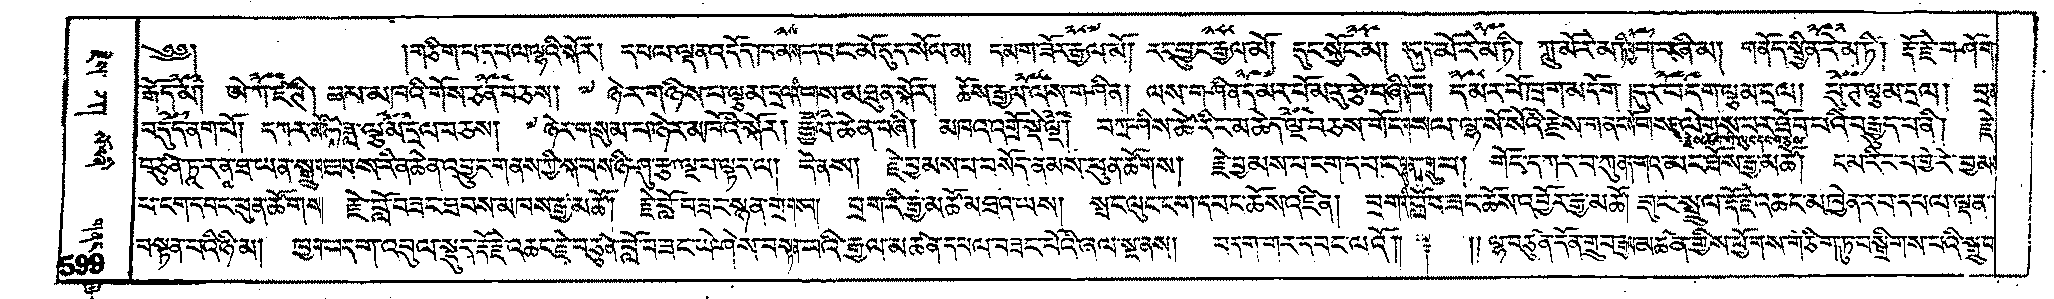༄༅། །གཅིག་པ་དཔལ་ལྷའི་སྐོར། དཔལ་ལྡན་འདོད་ཁམས་དབང་མོ་དུད་སོལ་མ། དམག་ཟོར་རྒྱལ་མོ། རང་བྱུང་རྒྱལ་མོ། དུང་སྐྱོང་མ། བདུད་མོ་རེ་མ་ཏི། ཀླུ་མོ་རེ་མ་ཏི་ཕྱག་བཞི་མ། གནོད་སྦྱིན་རེ་མ་ཏི། རྡོ་རྗེ་གཤོག་
རྒོད་མ། ཨེ་ཀ་ཛ་ཊི། ནམ་མཁའི་གོས་ཅན་བཅས། ༧་ཉེར་གཉིས་པ་ལྕམ་དྲལ་རིགས་མཐུན་སྐོར། ཆོས་རྒྱལ་ལས་གཤིན། ལས་གཤིན་དམར་པོ་མ་རུ་རྩེ་བཞི་སྐོར། དམར་པོ་ཁྲག་མདོག །དུར་བདག་ལྕམ་དྲལ། པུ་ཊ་ལྕམ་དྲལ། བྲན་
བདུད་ནག་པོ། དཀར་མོ་ཉི་ཟླ་ལྕམ་དྲལ་བཅས། ༧་ཉེར་གསུམ་པ་ཉེར་མཁོའི་སྐོར། རྒྱལ་ཆེན་བཞི། མཁའ་འགྲོ་སྡེ་ལྔ། བཀྲ་ཤིས་ཚེ་རིང་མཆེད་ལྔ་བཅས་གོང་གསལ་ལྷ་སོ་སོའི་རྗེས་གནང་སོགས་རྗེས་ཆོག་གི་ལུང་དང་བཅས་ལེགས་པར་ཐོབ་པའི་བརྒྱུད་པ་ནི། རྗེ་
བཙུན་ཏཱ་ར་ནཱ་ཐ་ཡན་སྒྲུབ་ཐབས་རིན་ཆེན་འབྱུང་གནས་ཀྱི་སྐབས་ཉི་ཤུ་རྩ་ལྔ་པ་ལྟར་ལ། དེ་ནས། རྗེ་བྱམས་པ་བསོད་ནམས་ཕུན་ཚོགས། རྗེ་བྱམས་པ་ངག་དབང་ལྷུན་གྲུབ། གོང་དཀར་བ་ཀུན་དགའ་མང་ཐོས་རྒྱ་མཚོ། ངམ་རིང་པ་གྱེ་རེ་བྱམས་
པ་ངག་དབང་ཕུན་ཚོགས། རྗེ་བློ་བཟང་ཐབས་མཁས་རྒྱ་མཚོ། རྗེ་བློ་བཟང་སྙན་གྲགས། བྲག་རི་རྒྱ་མཚོ་མཐའ་ཡས། སྤང་ལུང་ངག་དབང་ཆོས་འཛིན། བྲག་རི་བློ་བཟང་ཆོས་འབྱོར་རྒྱ་མཚོ། གུང་སྤྲུལ་རྡོ་རྗེ་འཆང་མཁྱེན་རབ་དཔལ་ལྡན་
བསྟན་པའི་ཉི་མ། ཁྱབ་བདག་འབུལ་སྡུད་རྡོ་རྗེ་འཆང་རྗེ་བཙུན་བློ་བཟང་ཡེ་ཤེས་བསྟན་པའི་རྒྱལ་མཚན་དཔལ་བཟང་པོའི་ཞལ་སྔ་ནས། བདག་གར་དབང་ལའོ།། འ་།།ལྷ་བཙུན་དོན་གྲུབ་རྒྱལ་མཚན་གྱིས་ཕྱོགས་གཅིག་ཏུ་བསྒྲིགས་པའི་སྒྲུབ་